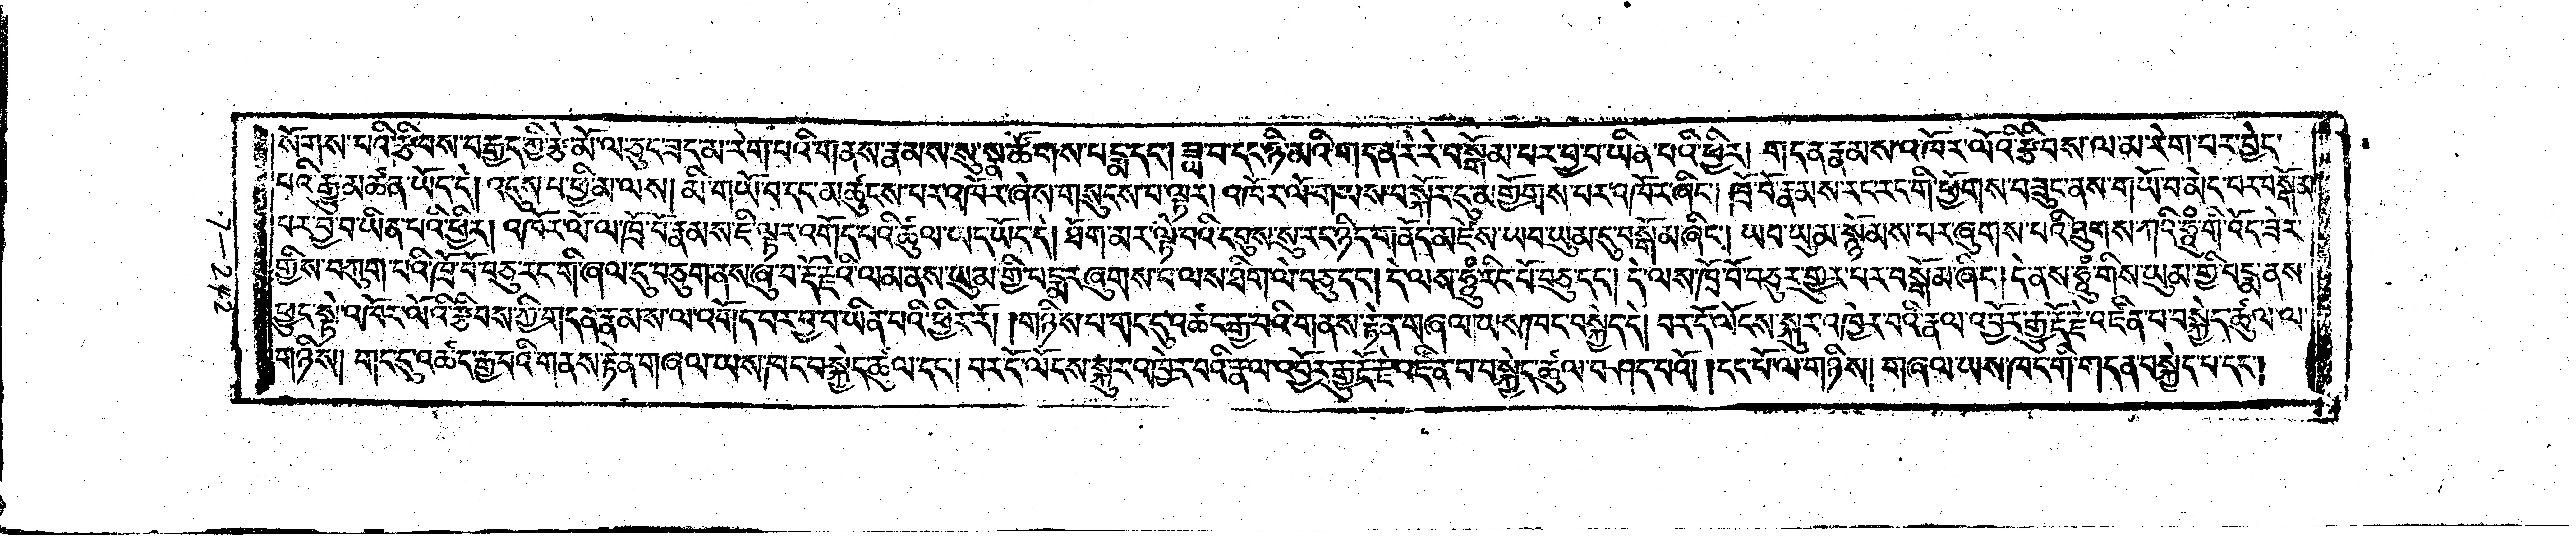སོགས་པའི་རྩིབས་བརྒྱད་ཀྱི་རྩེ་མོ་ལ་ཅུང་ཟད་མ་རེག་པའི་གནས་རྣམས་སུ་སྣ་ཚོགས་པདམ་དང་། ཟླ་བ་དང་ཉི་མའི་གདན་རེ་རེ་བསྒོམ་པར་བྱ་བ་ཡིན་པའི་ཕྱིར། གདན་རྣམས་འཁོར་ལོའི་རྩིབས་ལ་མ་རེག་པར་བྱེད་
པའི་རྒྱུ་མཚན་ཡོད་དེ། འདུས་པ་ཕྱི་མ་ལས། མི་གཡོ་བ་དང་མཚུངས་བར་འཁོར་ཞེས་གསུངས་པ་ལྟར། འཁོར་ལོ་གཡས་བསྐོར་དུ་མགྱོགས་པར་འཁོར་ཞིང་། ཁྲོ་བོ་རྣམས་རང་རང་གི་ཕྱོགས་བཟུང་ནས་གཡོ་བ་མེད་པར་བསྒོམ་
པར་བྱ་བ་ཡིན་པའི་ཕྱིར། འཁོར་ལོ་ལ་ཁྲོ་བོ་རྣམས་ཇི་ལྟར་འགོད་པའི་ཚུལ་ཡང་ཡོད་དེ། ཐོག་མར་ལྟེ་བའི་དབུས་སུ་རང་ཉིད་གནོད་མཛེས་ཡབ་ཡུམ་དུ་བསྒོམ་ཞིང་། ཡབ་ཡུམ་སྙོམས་པར་ཞུགས་པའི་ཐུགས་ཀའི་ཧཱུཾ་གི་འོད་ཟེར་
གྱིས་བཀུག་པའི་ཁྲོ་བོ་བཅུ་རང་གི་ཞལ་དུ་བཅུག་ནས་ཞུ་བ་རྡོ་རྗེའི་ལམ་ནས་ཡུམ་གྱི་པདམར་ཞུགས་པ་ལས་ཐིག་ལེ་བཅུ་དང་། དེ་ལས་ཧཱུཾ་རིང་པོ་བཅུ་དང་། དེ་ལས་ཁྲོ་བོ་བཅུར་གྱུར་པར་བསྒོམ་ཞིང་། དེ་ནས་ཧཱུཾ་གིས་ཡུམ་གྱི་པདམ་ནས་
ཕྱུང་སྟེ་འཁོར་ལོའི་རྩིབས་ཀྱི་གདན་རྣམས་ལ་འགོད་པར་བྱ་བ་ཡིན་པའི་ཕྱིར་རོ། །གཉིས་པ་གང་དུ་འཚང་རྒྱ་བའི་གནས་རྟེན་གཞལ་ཡས་ཁང་བསྐྱེད་དེ། བར་དོ་ལོངས་སྐུར་འཁྱེར་བའི་རྣལ་འབྱོར་རྒྱུ་རྡོ་རྗེ་འཛིན་པ་བསྐྱེད་ཚུལ་ལ་
གཉིས། །གང་དུ་འཚང་རྒྱ་བའི་གནས་རྟེན་གཞལ་ཡས་ཁང་བསྐྱེད་ཚུལ་དང་། བར་དོ་ལོངས་སྐུར་འཁྱེར་བའི་རྣལ་འབྱོར་རྒྱུ་རྡོ་རྗེ་འཛིན་པ་བསྐྱེད་ཚུལ་བཤད་པའོ། །དང་པོ་ལ་གཉིས། གཞལ་ཡས་ཁང་གི་གདན་བསྐྱེད་པ་དང་།